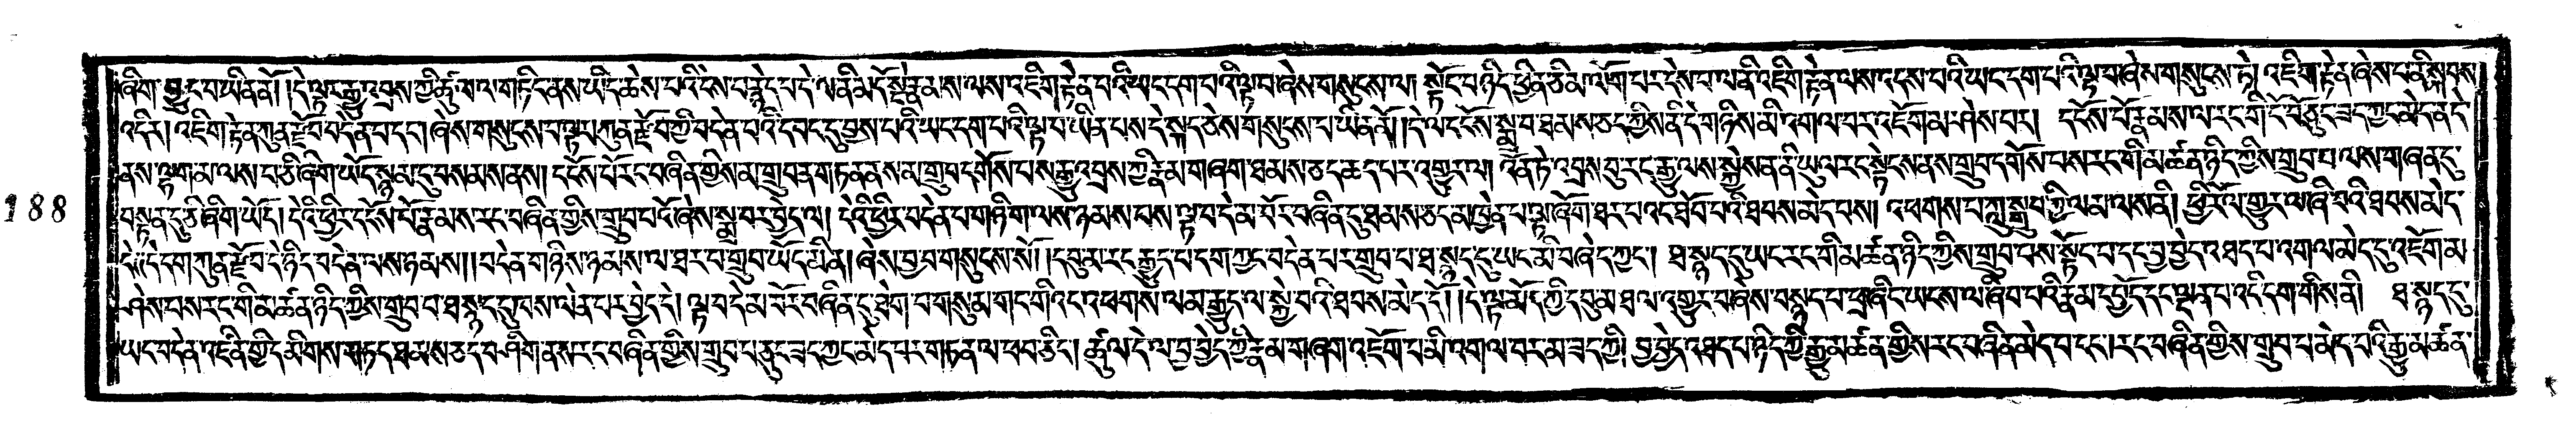ཞིག་འབྱུང་བ་ཡིན་ནོ། །དེ་ལྟར་རྒྱུ་འབྲས་ཀྱི་ཚུལ་ལ་གཏིང་ནས་ཡིད་ཆེས་པའི་ངེས་བརྙེད་པ་དེ་ལ་ནི་མདོ་སྡེ་རྣམས་ལས་འཇིག་རྟེན་པའི་ཡང་དག་པའི་ལྟ་བ་ཞེས་གསུངས་ལ། སྟོང་པ་ཉིད་ཕྱིན་ཅི་མ་ལོག་པར་ངེས་པ་ལ་ནི་འཇིག་རྟེན་ལས་འདས་པའི་ཡང་དག་པའི་ལྟ་བ་ཞེས་གསུངས་ཏེ། འཇིག་རྟེན་ཞེས་པ་ནི་སྐབས་
འདིར། འཇིག་རྟེན་ཀུན་རྫོབ་བདེན་པ་དང་། ཞེས་གསུངས་བ་ལྟར། ཀུན་རྫོབ་ཀྱི་བདེན་པའི་དབང་དུ་བྱས་པའི་ཡང་དག་པའི་ལྟ་བ་ཡིན་པས་དེ་སྐད་ཅེས་གསུངས་པ་ཡིན་ནོ། །དེ་ལ་དངོས་སྨྲ་བ་ཐམས་ཅད་ཀྱིས་ནི་དེ་གཉིས་མི་འགལ་བར་འཇོག་མ་ཤེས་པར། དངོས་པོ་རྣམས་ལ་རང་གི་ངོ་བོ་ཅུང་ཟད་ཀྱང་མེད་ན་དེ་
ནས་ལྷག་མ་ལས་བ་ཅི་ཞིག་ཡོད་སྙམ་དུ་བསམས་ནས། དངོས་པོ་རང་བཞིན་གྱིས་མ་གྲུབ་ན་གཏན་ནས་མ་གྲུབ་དགོས་བས་རྒྱུ་འབྲས་ཀྱི་རྣམ་གཞག་ཐམས་ཅད་ཆད་པར་འགྱུར་ལ། འོན་ཏེ་འབྲས་བུ་རང་རྒྱུ་ལས་སྐྱེས་ན་ནི་ཡུལ་རང་སྟེངས་ནས་གྲུབ་དགོས་པས་རང་གི་མཚན་ཉིད་ཀྱིས་གྲུབ་པ་ལས་གཞན་དུ་
བསྟན་དུ་ཅི་ཞིག་ཡོད། དེའི་ཕྱིར་དངོས་པོ་རྣམས་རང་བཞིན་གྱིས་གྲུབ་བའོ་ཞེས་སྨྲ་བར་བྱེད་ལ། དེའི་ཕྱིར་བདེན་པ་གཉིག་ལས་ཉམས་པས་ལྟ་བ་དེ་མ་བོར་བཞིན་དུ་ཐམས་ཅད་མཁྱེན་པ་ལྟ་ཞོག་ཐར་པའང་ཐོབ་པའི་ཐབས་མེད་པས། འཕགས་པ་ཀླུ་སྒྲུབ་ཀྱི་ལམ་ལས་ནི། ཕྱི་རོལ་གྱུར་ལ་ཞི་བའི་ཐབས་མེད་
དེ༑ ༑དེ་དག་ཀུན་རྫོབ་དེ་ཉིད་བདེན་ལས་ཉམས། །བདེན་གཉིས་ཉམས་ལ་ཐར་བ་གྲུབ་ཡོད་མིན། ཞེས་བྱ་བ་གསུངས་སོ། །དབུ་མ་རང་རྒྱུད་པ་དག་ཀྱང་བདེན་པར་གྲུབ་པ་ཐ་སྙད་དུ་ཡང་མི་བཞེད་ཀྱང་། ཐ་སྙད་དུ་ཡང་རང་གི་མཚན་ཉིད་ཀྱིས་གྲུབ་པས་སྟོང་པ་དང་བྱ་བྱེད་འཐད་པ་འགལ་མེད་དུ་འཇོག་མ་
ཤེས་པས་རང་གི་མཚན་ཉིད་ཀྱིས་གྲུབ་པ་ཐ་སྙད་དུ་ཁས་ལེན་པར་བྱེད་དེ། ལྟ་བ་དེ་མ་བོར་བཞིན་དུ་ཐེག་པ་གསུམ་གང་གིའང་འཕགས་ལམ་རྒྱུད་ལ་སྐྱེ་བའི་ཐབས་མེད་དོ། །དེ་ལྟ་མོད་ཀྱི་དབུ་མ་ཐལ་འགྱུར་བ་ཞེས་བསྙད་པ་ཕྲ་ཞིང་ཡངས་ལ་ཞིབ་པའི་རྣམ་དཔྱོད་དང་ལྡན་པ་འདི་དག་གིས་ནི། ཐ་སྙད་དུ་
ཡང་བདེན་འཛིན་གྱི་དམིགས་གཏད་ཐམས་ཅད་བཤིག་ནས་རང་བཞིན་གྱིས་གྲུབ་པ་ཅུང་ཟད་ཀྱང་མེད་པར་གཏན་ལ་ཕབ་ཅིང་། ཚུལ་དེ་ལ་བྱ་བྱེད་ཀྱི་རྣམ་གཞག་འཇོག་པ་མི་འགལ་བར་མ་ཟད་ཀྱི། བྱ་བྱེད་འཐད་པ་ཉིད་ཀྱི་རྒྱུ་མཚན་གྱིས་རང་བཞིན་མེད་པ་དང་། རང་བཞིན་གྱིས་གྲུབ་པ་མེད་པའི་རྒྱུ་མཚན་